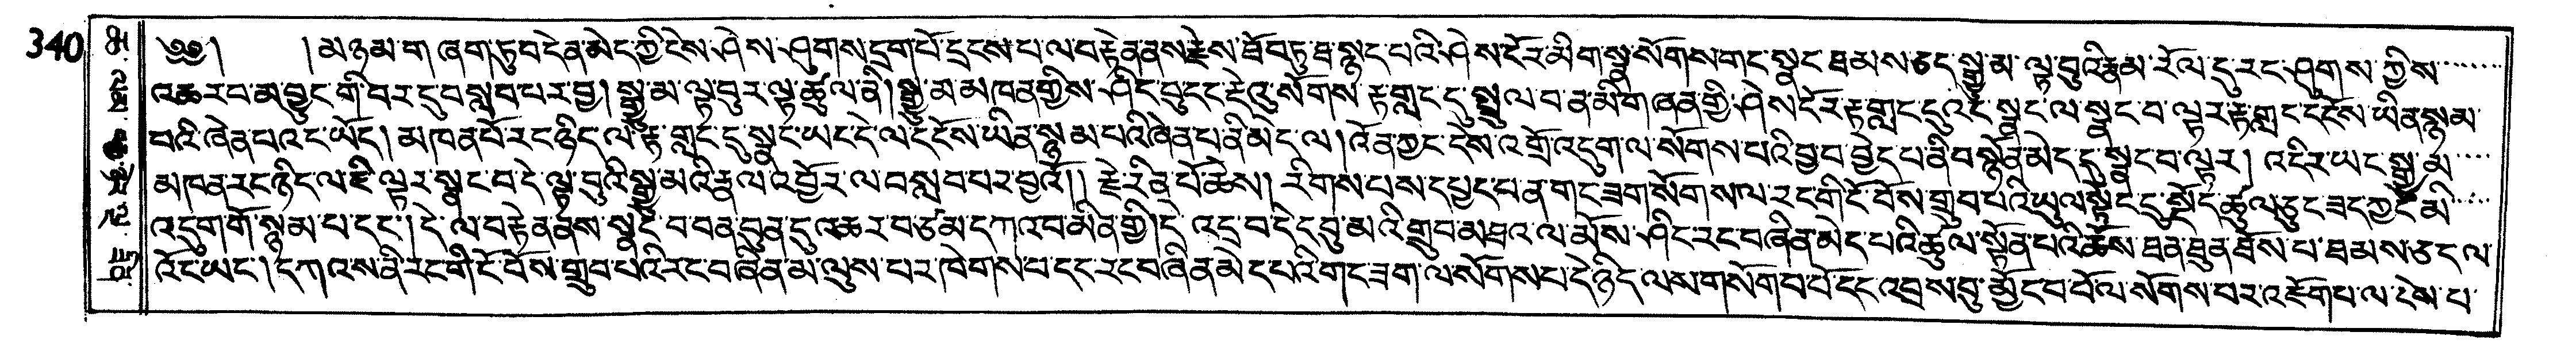༄༅། །མཉམ་གཞག་ཏུ་བདེན་མེད་ཀྱི་ངེས་ཤེས་ཤུགས་དྲག་པོ་དྲངས་པ་ལ་བརྟེན་ནས་རྗེས་ཐོབ་ཏུ་ཐ་སྙད་པའི་ཤེས་ངོར་མིག་སྣ་སོགས་གང་སྣང་ཐམས་ཅད་སྒྱུ་མ་ལྟ་བུའི་རྣམ་རོལ་དུ་རང་ཤུགས་ཀྱིས་
འཆར་བ་མ་བྱུང་གི་བར་དུ་བསླབ་པར་བྱ། སྒྱུ་མ་ལྟ་བུར་ལྟ་ཚུལ་ནི། སྒྱུ་མ་མཁན་གྱིས་ཤིང་བུ་དང་རྡེའུ་སོགས་རྟ་གླང་དུ་སྤྲུལ་བ་ན་མི་གཞན་གྱི་ཤེས་ངོར་རྟ་གླང་དུའང་སྣང་ལ་སྣང་བ་ལྟར་རྟ་གླང་དངོས་ཡིན་སྙམ་
པའི་ཞེན་པའང་ཡོད། མཁན་པོ་རང་ཉིད་ལ་རྟ་གླང་དུ་སྣང་ཡང་དེ་ལ་དངོས་ཡིན་སྙམ་པའི་ཞེན་པ་ནི་མེད་ལ། འོན་ཀྱང་དེས་འགྲོ་འདུག་ལ་སོགས་པའི་བྱ་བ་བྱེད་པ་ནི་བསྙོན་མེད་དུ་སྣང་བ་ལྟར། འདིར་ཡང་སྒྱུ་མ་
མཁན་རང་ཉིད་ལ་ཇི་ལྟར་སྣང་བ་དེ་ལྟ་བུའི་རྒྱུ་མའི་རྣལ་འབྱོར་ལ་བསླབ་པར་བྱའོ། །རྗེ་རིན་པོ་ཆེས། རིགས་པས་དཔྱད་པ་ན་གང་ཟག་སོགས་ལ་རང་གི་ངོ་བོས་གྲུབ་པའི་ཡུལ་སྟེང་དུ་སྡོད་ཚུལ་ཅུང་ཟད་ཀྱང་མི་
འདུག་གོ་སྙམ་པ་དང་། དེ་ལ་བརྟེན་ནས་སྣང་བ་བན་བུན་དུ་འཆར་བ་ཙམ་དཀའ་བ་མིན་གྱི། དེ་འདྲ་བ་དེ་དབུ་མའི་གྲུབ་མཐའ་ལ་མོས་ཤིང་རང་བཞིན་མེད་པའི་ཚུལ་སྟོན་པའི་ཆོས་ཐན་ཐུན་ཐུས་པ་ཐམས་ཅད་ལ་
འོང་ཡང་། དཀའ་ས་ནི་རང་གི་ངོ་བོས་གྲུབ་པའི་རང་བཞིན་མ་ལུས་པར་ཁེགས་པ་དང་རང་བཞིན་མེད་པའི་གང་ཟག་ལ་སོགས་པ་དེ་ཉིད་ལས་གསོག་པ་པོ་དང་འབྲས་བུ་མྱོང་བ་པོ་ལ་སོགས་པར་འཇོག་པ་ལ་ངེས་པ་